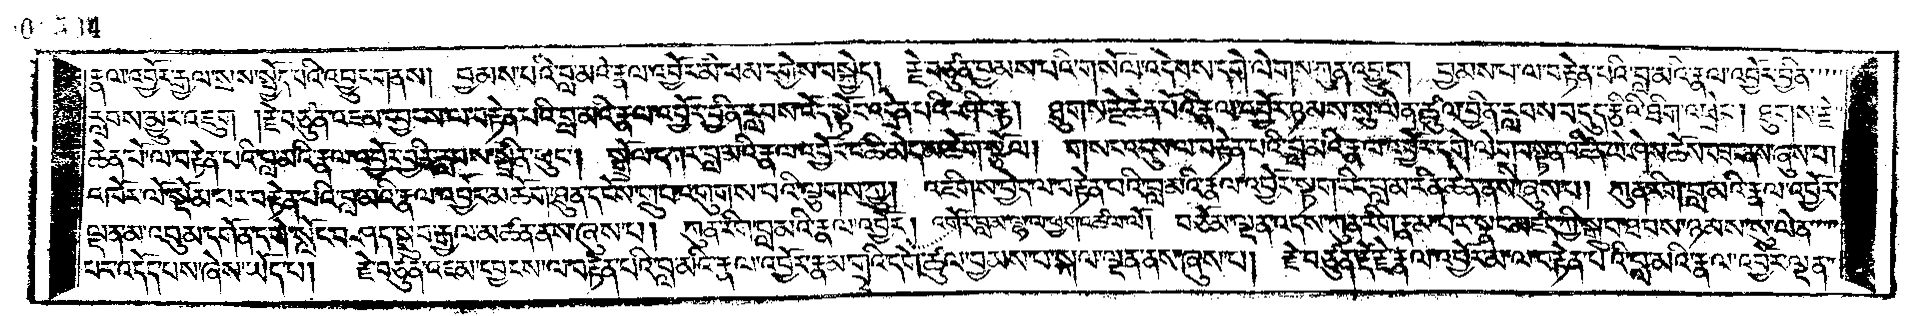རྣལ་འབྱོར་རྒྱལ་སྲས་སྤྱོད་པའི་འབྱུང་གནས། བྱམས་པའི་བླ་མའི་རྣལ་འབྱོར་མི་ཕམ་དགྱེས་བསྐྱེད། རྗེ་བཙུན་བྱམས་པའི་གསོལ་འདེབས་དགེ་ལེགས་ཀུན་འབྱུང་། བྱམས་པ་ལ་བརྟེན་པའི་བླ་མའི་རྣལ་འབྱོར་བྱིན་
རླབས་མྱུར་འཇུག །རྗེ་བཙུན་འཇམ་དབྱངས་ལ་བརྟེན་པའི་བླ་མའི་རྣལ་འབྱོར་བྱིན་རླབས་འོད་སྟོང་འདྲེན་པའི་ཤིང་རྟ། ཐུགས་རྗེ་ཆེན་པོའི་རྣལ་འབྱོར་ཉམས་སུ་ལེན་ཚུལ་བྱིན་རླབས་བདུད་རྩིའི་ཐིག་འཕྲེང་། ཐུགས་རྗེ་
ཆེན་པོ་ལ་བརྟེན་པའི་བླ་མའི་རྣལ་འབྱོར་བྱིན་རླབས་སྤྲིན་ཕུང་། སྒྲོལ་དཀར་བླ་མའི་རྣལ་འབྱོར་འཆི་མེད་མཆོག་སྩོལ། གསང་འདུས་ལ་བརྟེན་པའི་བླ་མའི་རྣལ་འབྱོར་དགེ་ལེགས་བསྟན་འཛིན་ཡེ་ཤེས་ཆོས་བཟང་ནས་ཞུས་པ།
འཁོར་ལོ་སྡོམ་པར་བརྟེན་པའི་བླ་མའི་རྣལ་འབྱོར་མཆོག་ཐུན་དངོས་གྲུབ་འགུགས་པའི་ལྕགས་ཀྱུ། འཇིགས་བྱེད་ལ་བརྟེན་པའི་བླ་མའི་རྣལ་འབྱོར་སྟག་རིང་བླ་མ་རིན་ཆེན་ནས་ཞུས་པ། ཀུན་རིག་བླ་མའི་རྣལ་འབྱོར་
ལྡན་མ་འབུམ་དགོན་དགེ་སློང་བཤད་སྒྲུབ་རྒྱལ་མཚན་ནས་ཞུས་པ། ཀུན་རིག་བླ་མའི་རྣལ་འབྱོར་འགོར་བླ་མ་ལྷ་ལ་ཕྱག་འཚལ་ལོ།  བཅོམ་ལྡན་འདས་ཀུན་རིག་རྣམ་པར་སྣང་མཛད་ཀྱི་སྒྲུབ་ཐབས་ཉམས་སུ་ལེན་
པར་འདོད་པས་ཞེས་ཡོད་པ། རྗེ་བཙུན་འཇམ་དབྱངས་ལ་བརྟེན་པའི་བླ་མའི་རྣལ་འབྱོར་རྣམ་གྲྭའི་དགེ་ཚུལ་བྱམས་པ་སྐལ་ལྡན་ནས་ཞུས་པ། རྗེ་བཙུན་རྡོ་རྗེ་རྣལ་འབྱོར་མ་ལ་བརྟེན་པའི་བླ་མའི་རྣལ་འབྱོར་ལྡན་